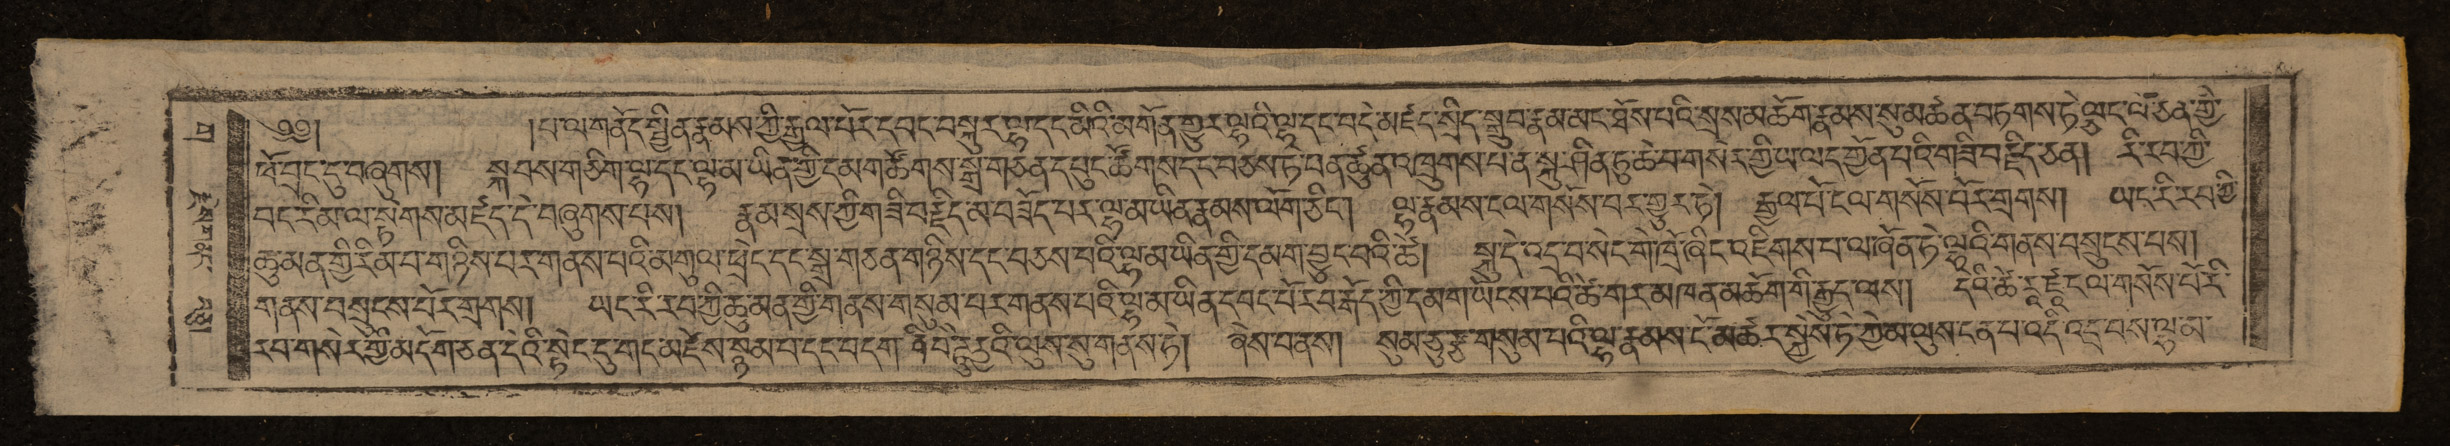༄༅། །པ་ལ་གནོད་སྤྱིན་རྣམས་ཀྱི་རྒྱལ་བར་དབང་བསྐུར་ལྷ་དང་མིའི་མགོན་གྱུར་ལྷའི་ལྷ་དང་བདེ་མཛད་སྲིད་སྒྲུབ་རྣམ་མང་ཐོས་པའི་སྲས་མཆོག་རྣམས་སུ་མཆན་བཏགས་ཏེ་ལྕང་ལོ་ཅན་གྱི་
ཕོ་བྲང་དུ་བཞུགས། སྐབས་གཅིག་ལྷ་དང་ལྷ་མ་ཡིན་གྱི་དམག་ཚོགས་སྒྲ་གཅན་དཔུང་ཚོགས་དང་བཅས་ཏེ་ཕན་ཚུན་འཁྲུགས་པ་ན་སྐུ་ཤིན་ཏུ་ཆེ་བ་གསེར་གྱི་ཡ་ལད་གྱོན་པའི་གཟི་བརྗིད་ཅན། རི་རབ་ཀྱི་
བང་རིམ་ལ་སྟགས་མཛད་དེ་བཞུགས་པས། རྣམ་སྲས་ཀྱི་གཟི་བརྗིད་མ་བཟོད་པར་ལྷ་མ་ཡིན་རྣམས་ལོག་ཅིང་། ལྷ་རྣམས་ངལ་གསོས་པར་གྱུར་ཏེ། རྒྱལ་པོ་ངལ་གསོས་པོར་གྲགས། ཡང་རི་རབ་ཀྱི་
ཆུ་མན་གྱི་རིམ་པ་གཉིས་པར་གནས་པའི་མགུལ་ཕྲེང་དང་སྒྲ་གཅན་གཉིས་དང་བཅས་པའི་ལྷ་མ་ཡིན་གྱི་དམག་བྱུང་བའི་ཚེ། སྐུ་དེ་འདྲ་བ་སེང་གེ་ཁྲོ་ཞིང་འཇིགས་པ་ལ་ཞོན་ཏེ་ལྷའི་གནས་བསྲུངས་པས།
གནས་བསྲུངས་པོར་གྲགས། ཡང་རི་རབ་ཀྱི་ཆུ་མན་གྱི་གནས་གསུམ་པར་གནས་པའི་ལྷ་མ་ཡིན་དབང་པོར་བརྒོད་ཀྱི་དམག་ཡོངས་པའི་ཚེ་གར་མཁན་མཆོག་གི་རྒྱུད་ལས། དེའི་ཚེ་རཱ་ཛཱ་ངལ་གསོས་པོ་རི་
རབ་གསེར་གྱི་མདོག་ཅན་དེའི་སྟེང་དུ་གང་མཛེས་སྙམ་པ་དང་བདག་ནི?་བཻཌཱུརྱའི་ལུས་སུ་གནས་ཏེ། ཞེས་པ་ནས། སུམ་ཅུ་རྩ་གསུམ་པའི་ལྷ་རྣམས་ངོ་མཚར་སྐྱེས་ཏེ་ཀྱེ་མ་ལུས་ངན་པ་འདི་འདྲ་བས་ལྷ་མ་